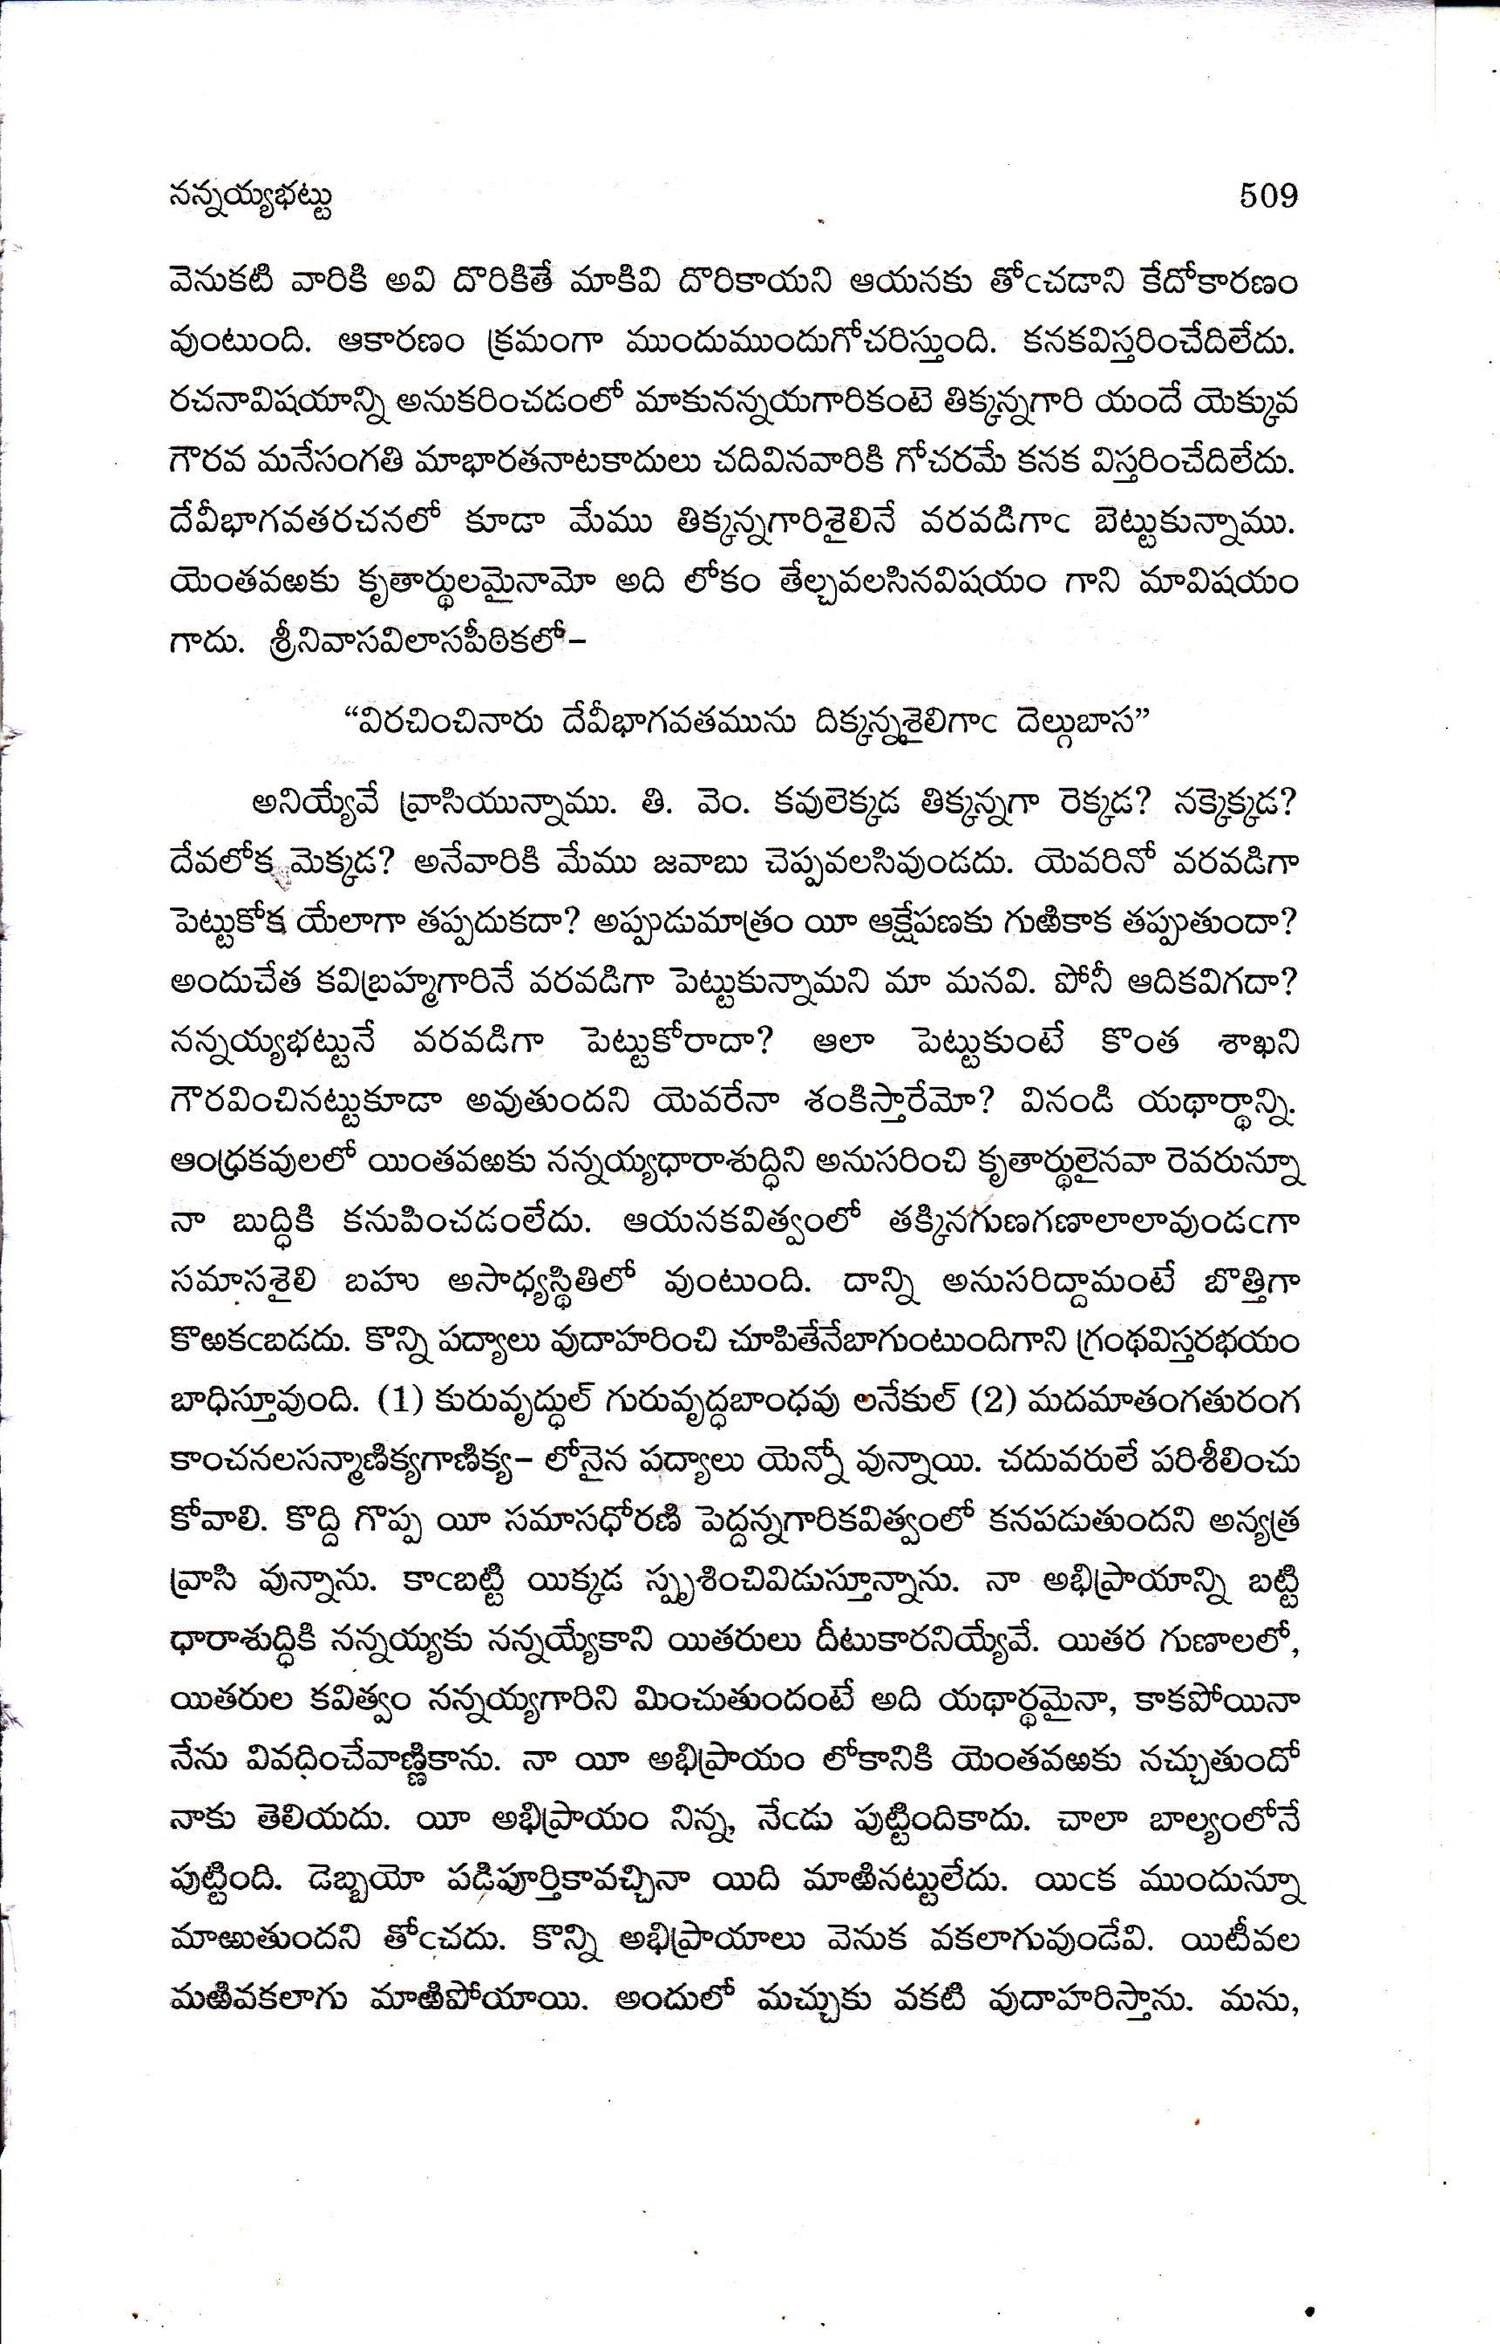వెనుకటి వారికి అవి దొరికితే మాకివి దొరికాయని ఆయనకు తోఁచడాని కేదోకారణం వుంటుంది. ఆకారణం క్రమంగా ముందుముందుగోచరిస్తుంది. కనకవిస్తరించేదిలేదు. రచనావిషయాన్ని అనుకరించడంలో మాకునన్నయగారికంటె తిక్కన్నగారి యందే యెక్కువ గౌరవ మనేసంగతి మాభారతనాటకాదులు చదివినవారికి గోచరమే కనక విస్తరించేదిలేదు. దేవీభాగవతరచనలో కూడా మేము తిక్కన్నగారిశైలినే వరవడిగాఁ బెట్టుకున్నాము. యెంతవఱకు కృతార్థులమైనామో అది లోకం తేల్చవలసినవిషయం గాని మావిషయం గాదు. శ్రీనివాసవిలాసపీఠికలో-

“విరచించినారు దేవీభాగవతమును దిక్కన్నశైలిగాఁ దెల్గుబాస”

అనియ్యేవే వ్రాసియున్నాము. తి. వెం. కవులెక్కడ తిక్కన్నగా రెక్కడ? నక్కెక్కడ? దేవలోకమెక్కడ? అనేవారికి మేము జవాబు చెప్పవలసివుండదు. యెవరినో వరవడిగా పెట్టుకోక యేలాగా తప్పదుకదా? అప్పుడుమాత్రం యీ ఆక్షేపణకు గుఱికాక తప్పుతుందా? అందుచేత కవిబ్రహ్మగారినే వరవడిగా పెట్టుకున్నామని మా మనవి. పోనీ ఆదికవిగదా? నన్నయ్యభట్టునే వరవడిగా పెట్టుకోరాదా? ఆలా పెట్టుకుంటే కొంత శాఖని గౌరవించినట్టుకూడా అవుతుందని యెవరేనా శంకిస్తారేమో? వినండి యథార్థాన్ని ఆంధ్రకవులలో యింతవఱకు నన్నయ్యధారాశుద్ధిని అనుసరించి కృతార్థులైనవా రెవరున్నూ నా బుద్ధికి కనుపించడంలేదు. ఆయనకవిత్వంలో తక్కినగుణగణాలాలావుండఁగా సమాసశైలి బహు అసాధ్యస్థితిలో వుంటుంది. దాన్ని అనుసరిద్దామంటే బొత్తిగా కొఱకఁబడదు. కొన్ని పద్యాలు వుదాహరించి చూపితేనేబాగుంటుందిగాని గ్రంథవిస్తరభయం బాధిస్తూవుంది. (1) కురువృద్దుల్ గురువృద్ధబాంధవు లనేకుల్ (2) మదమాతంగతురంగ కాంచనలసన్మాణిక్యగాణిక్య- లోనైన పద్యాలు యెన్నో వున్నాయి. చదువరులే పరిశీలించుకోవాలి. కొద్ది గొప్ప యీ సమాసధోరణి పెద్దన్నగారికవిత్వంలో కనపడుతుందని అన్యత్ర వ్రాసి వున్నాను. కాఁబట్టి యిక్కడ స్పృశించివిడుస్తూన్నాను. నా అభిప్రాయాన్ని బట్టి ధారాశుద్ధికి నన్నయ్యకు నన్నయ్యేకాని యితరులు దీటుకారనియ్యేవే. యితర గుణాలలో, యితరుల కవిత్వం నన్నయ్యగారిని మించుతుందంటే అది యథార్థమైనా, కాకపోయినా నేను వివధించేవాణ్ణికాను. నా యీ అభిప్రాయం లోకానికి యెంతవఱకు నచ్చుతుందో నాకు తెలియదు. యీ అభిప్రాయం నిన్న నేఁడు పుట్టిందికాదు. చాలా బాల్యంలోనే పుట్టింది. డెబ్బయో పడిపూర్తికావచ్చినా యిది మాఱినట్టులేదు. యిఁక ముందున్నూ మాఱుతుందని తోఁచదు. కొన్ని అభిప్రాయాలు వెనుక వకలాగువుండేవి. యిటీవల మఱివకలాగు మాఱిపోయాయి. అందులో మచ్చుకు వకటి వుదాహరిస్తాను. మను,